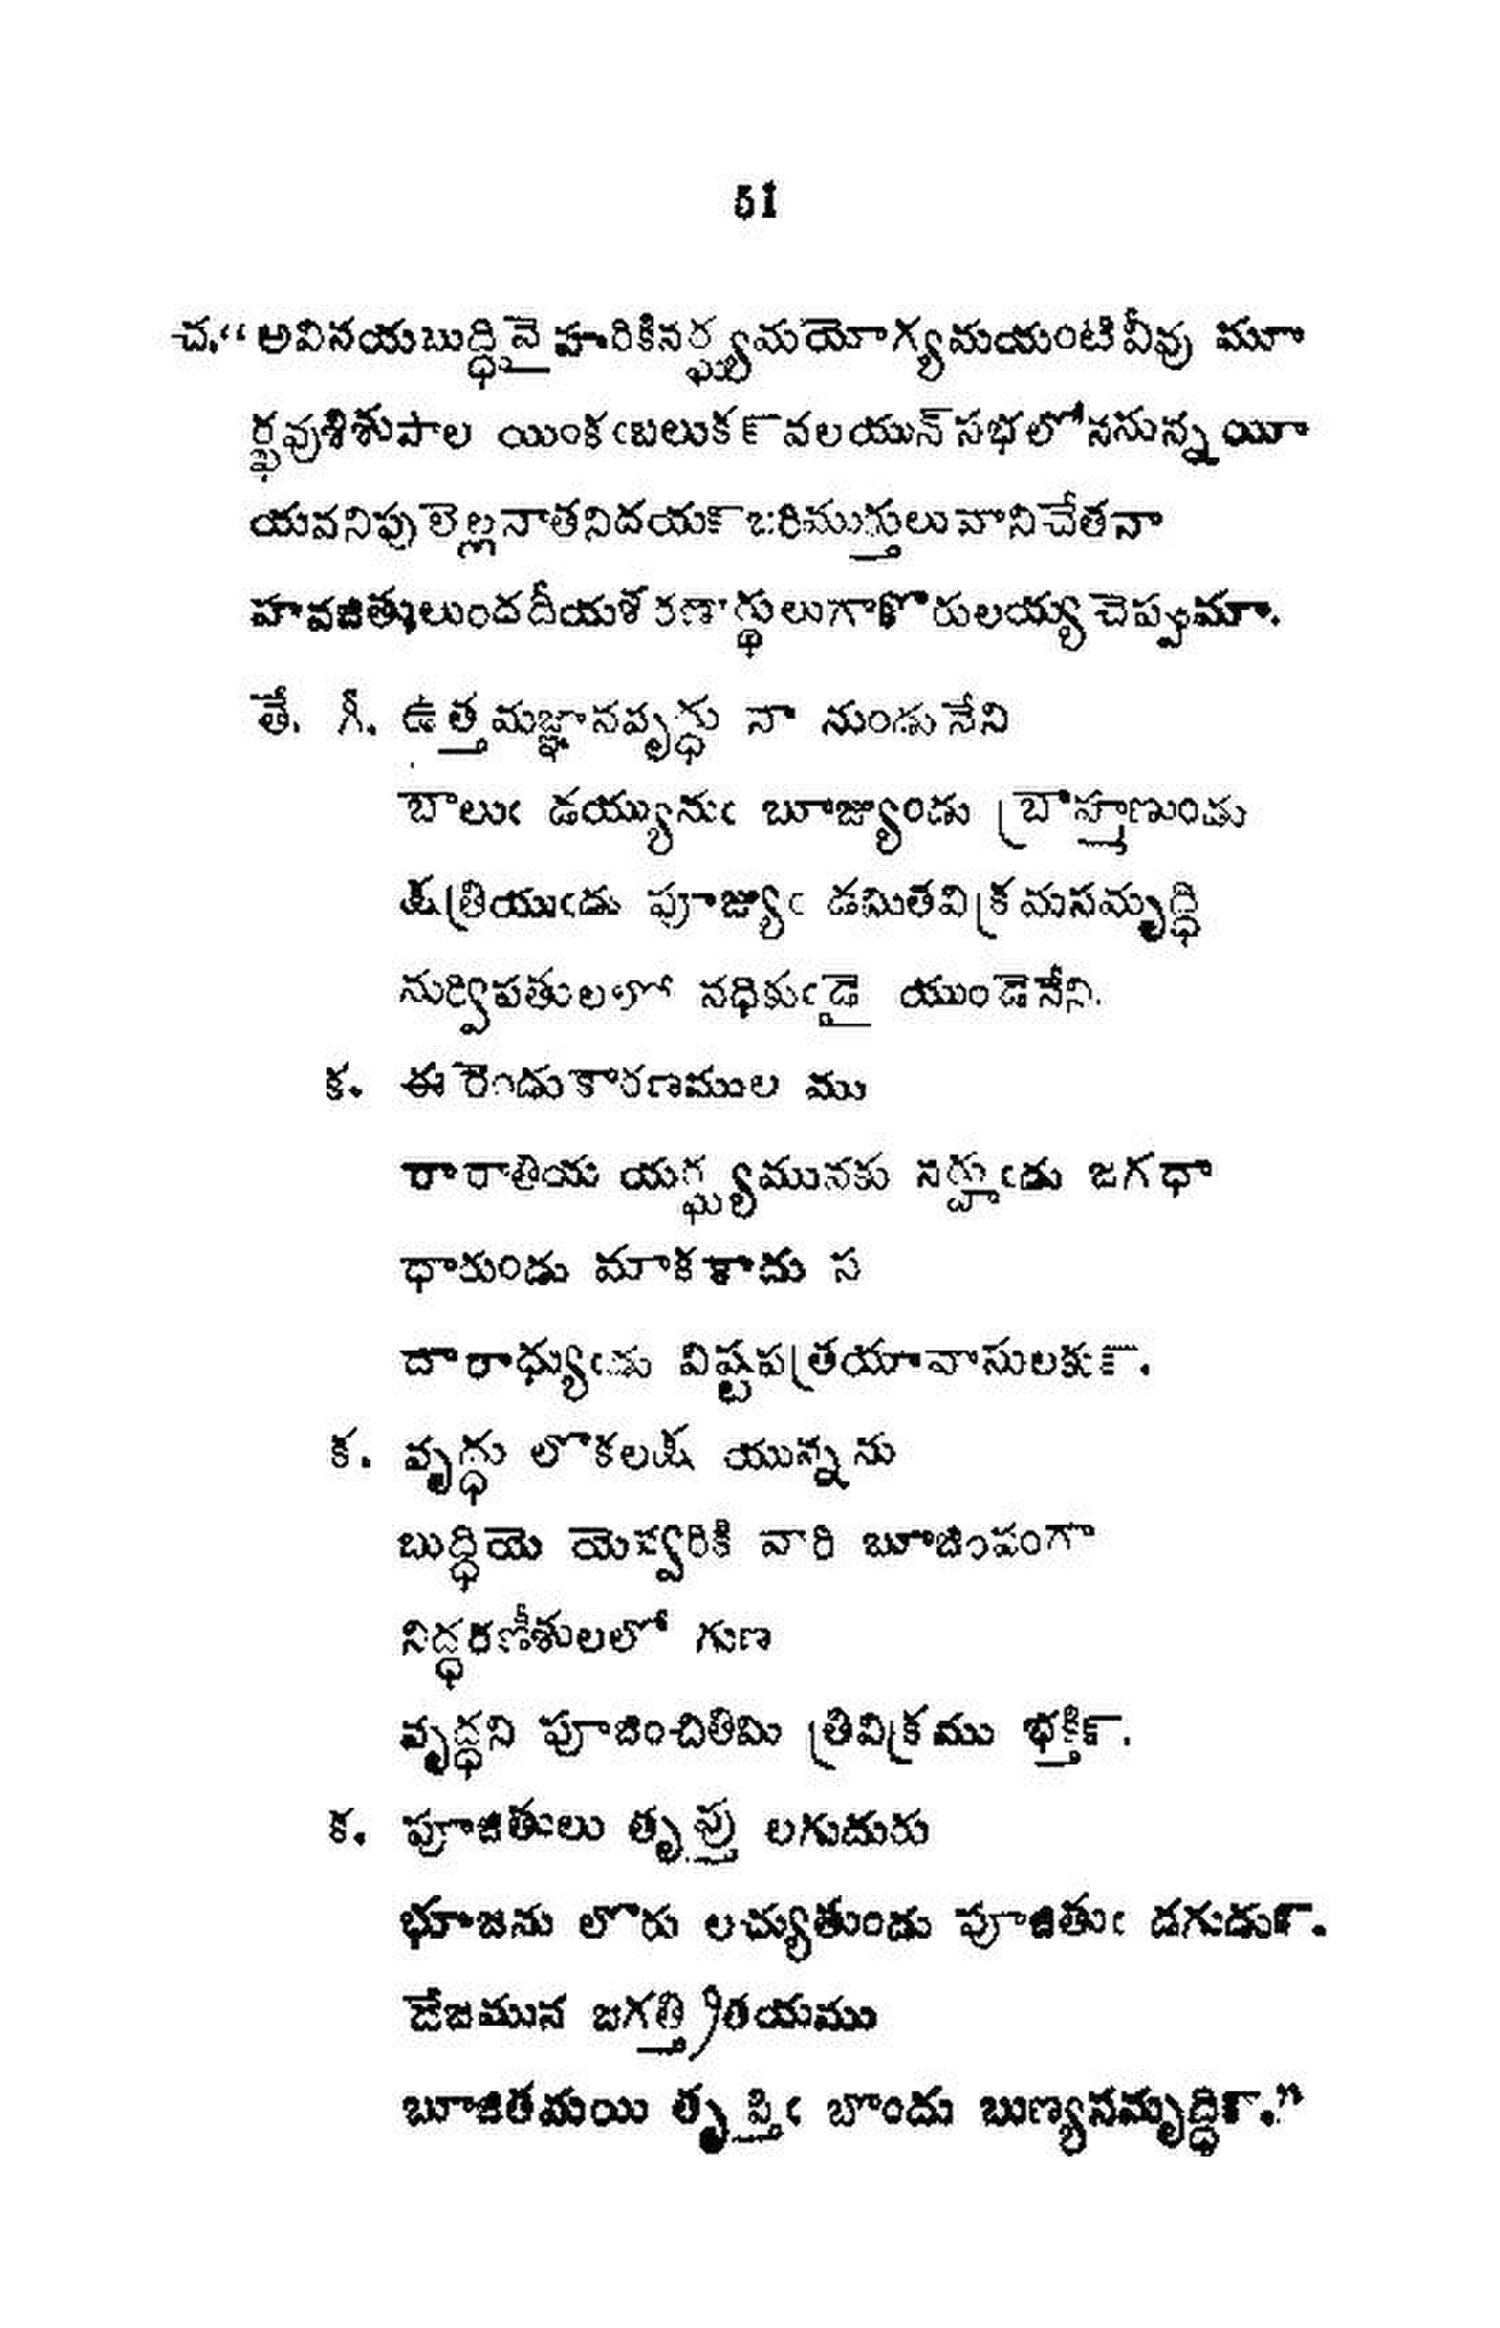చ. "అవినయబుద్ధివైహరికినర్ఘ్యమయోగ్యమయంటివీవు మూ
 ర్ఖవుశిశుపాల యింకఁబలుకన్ వలయున్‌సభలోననున్నయీ
 యవనిపు లెల్లనాతనిదయన్ బరిముక్తులువానిచేతనా
 హవజితులుందదీయశరణార్థులుగాకొరులయ్యచెప్పుమా.

తే. గీ. ఉత్తమజ్ఞానవృద్ధు నా నుండు నేని
 బాలుఁ డయ్యునుఁ బూజ్యుండు బ్రాహ్మణుండు
 క్షత్రియుఁడు పూజ్యుఁ డమితవిక్రమసమృధి
 నుర్విపతులలో నధికుఁడై యుండెనేని,

క. ఈ రెండుకారణముల ము
 రారాతియ యర్ఘ్యమునకు నిర్హుఁడు జగధా
 ధారుండు మాకకాదు స
 దారాధ్యుఁడు విష్టపత్రయావాసులకున్.

క. వృద్ధు లొకలక్ష యున్నను
 బుద్ధియె యెవ్వరికి వారి బూజింపంగా
 నిద్ధరణీశులలో గుణ
 వృద్ధని పూజించితిమి త్రివిక్రము భక్తిన్.

క. పూజితులు తృప్తు లగుదురు
 భూజను లొరు లచ్యుతుండు పూజితుఁ డగుడున్.
 దేజమున జగత్త్రితయము
 బూజితమయి తృప్తిఁ బొందు బుణ్యసమృద్ధిన్."